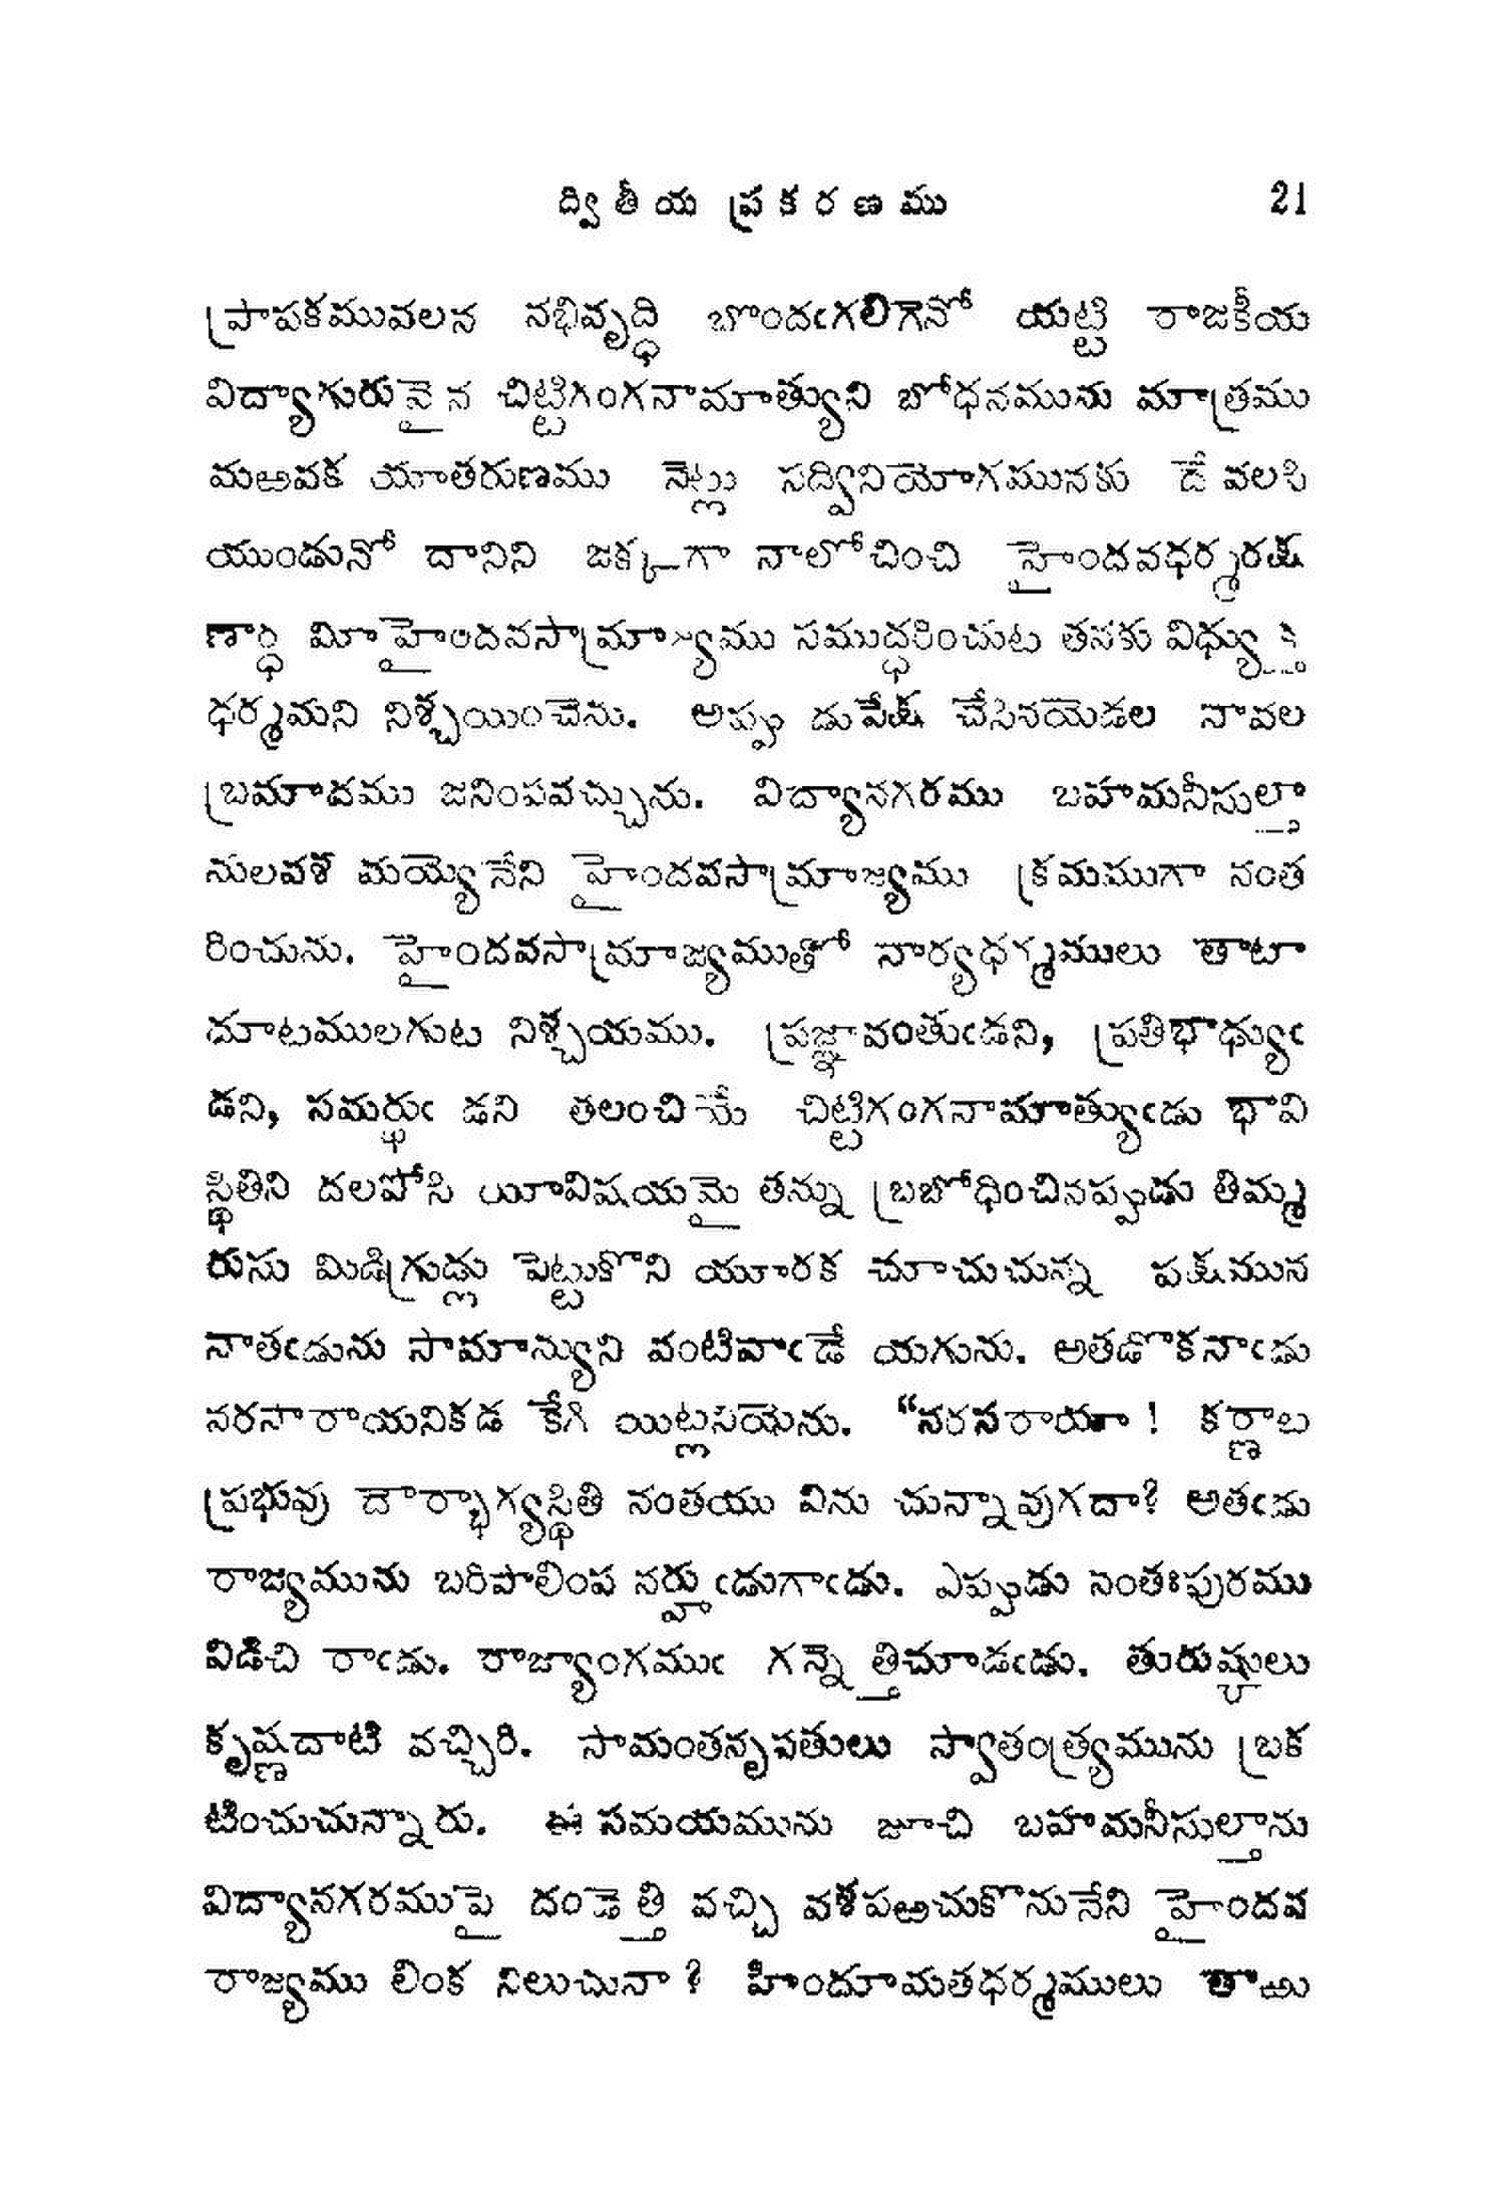ప్రాపకమువలన నభివృద్ధి బొందఁగలిగెనో యట్టి రాజకీయ విద్యాగురువైన చిట్టిగంగనామాత్యుని బోధనమును మాత్రము మఱవక యాతరుణము నెట్లు సద్వినియోగమునకు దేవలసియుండునో దానిని జక్కగా నాలోచించి హైందవధర్మరక్షణార్ధ మీహైందవసామ్రాజ్యము సముద్ధరించుట తనకు విధ్యుక్త ధర్మమని నిశ్చయించెను. అప్పు డుపేక్ష చేసినయెడల నావల బ్రమాదము జనింపవచ్చును. విద్యానగరము బహమనీసుల్తానులవశ మయ్యెనేని హైందవసామ్రాజ్యము క్రమముగా నంతరించుసు. హైందవసామ్రాజ్యముతో నార్యధర్మములు తాటా దూటములగుట నిశ్చయము. ప్రజ్ఞావంతుఁడని, ప్రతిభాఢ్యుఁ డని, సమర్థుఁ డని తలంచియే చిట్టిగంగనామాత్యుఁడు భావి స్థితిని దలపోసి యీవిషయమై తన్ను బ్రబోధించినప్పుడు తిమ్మరుసు మిడిగ్రుడ్లు పెట్టుకొని యూరక చూచుచున్న పక్షమున నాతఁడును సామాన్యుని వంటివాఁడే యగును. అతడొకనాఁడు నరసారాయనికడ కేగి యిట్లనియెను. “నరసరాయా ! కర్ణాట ప్రభువు దౌర్భాగ్యస్థితి నంతయు విను చున్నావుగదా? అతఁడు రాజ్యమును బరిపాలింప నర్హుఁడుగాఁడు. ఎప్పుడు నంతఃపురము విడిచి రాఁడు. రాజ్యాంగముఁ గన్నెత్తిచూడఁడు. తురుష్కులు కృష్ణదాటి వచ్చిరి. సామంతనృపతులు స్వాతంత్ర్యమును బ్రకటించుచున్నారు. ఈ సమయమును జూచి బహమనీసుల్తాను విద్యానగరముపై దండెత్తి వచ్చి వశపఱచుకొనునేని హైందవరాజ్యము లింక నిలుచునా ? హిందూమతధర్మములు తాఱు